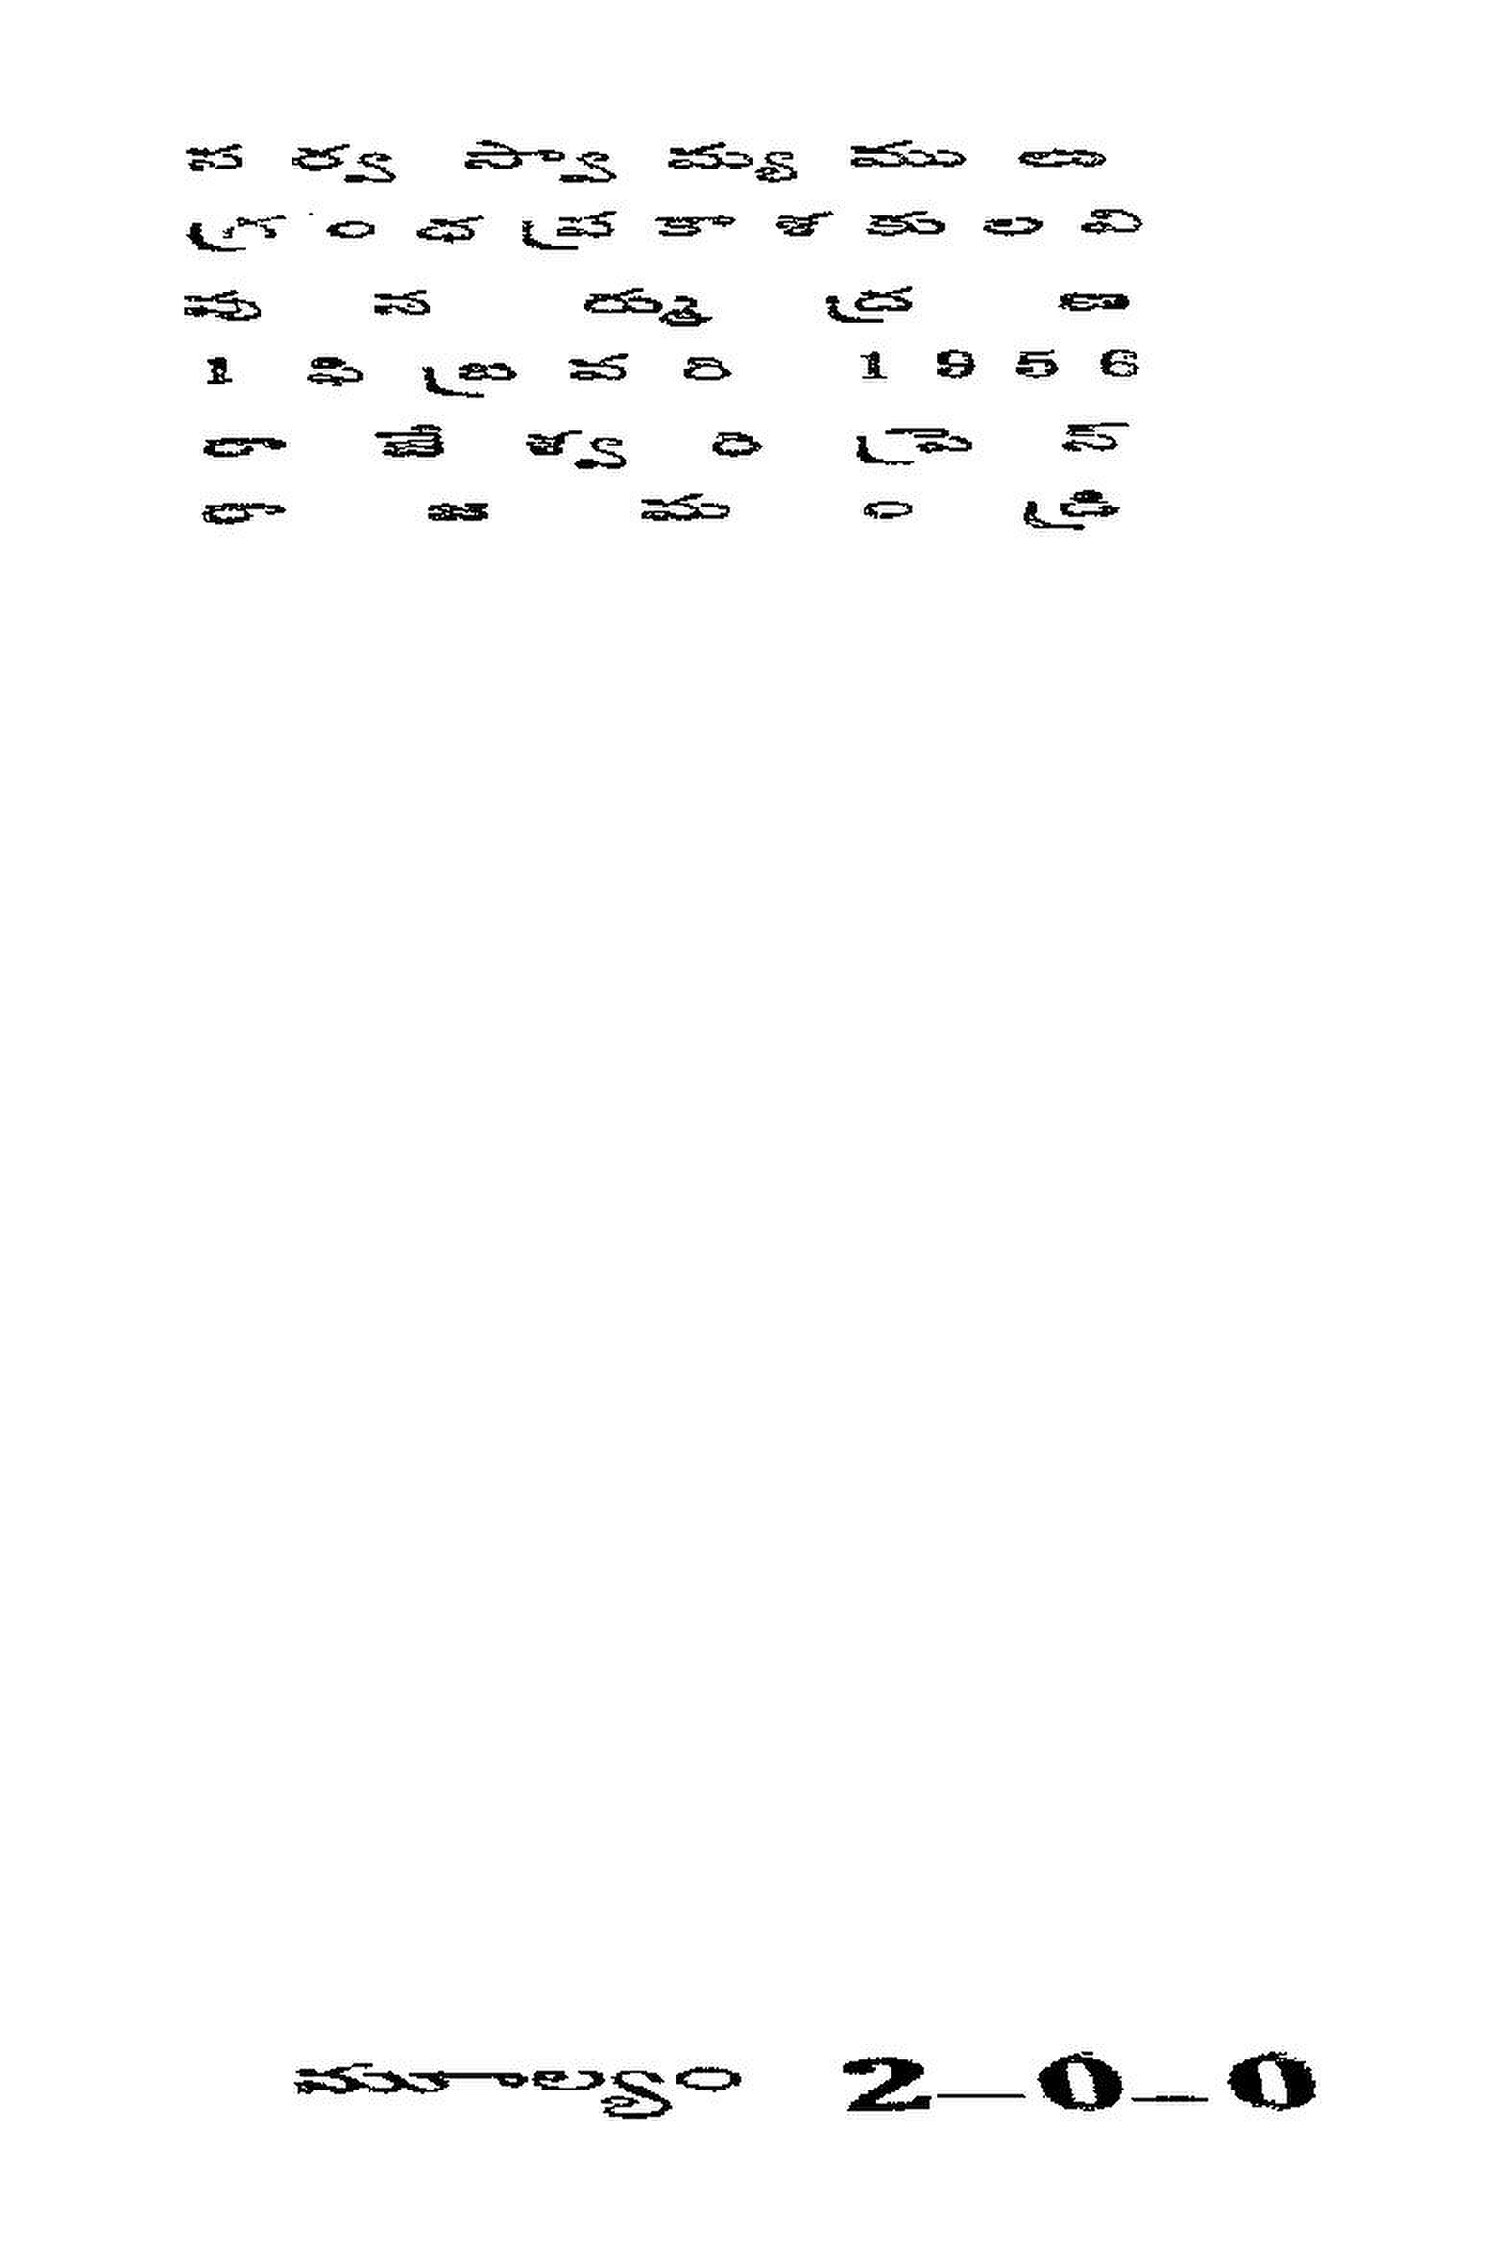స ర్వ స్వా మ్య ము లు 

గ్ర o ధ ప్ర కా శ కు ల వి 

పు న ర్ము ద్ర ణ
 
1 ఫి బ్ర వ రి 1 9 5 6

రా జే శ్వ రి ప్రె స్ 

రా జ మం డ్రి

మూల్యం 2-0-0